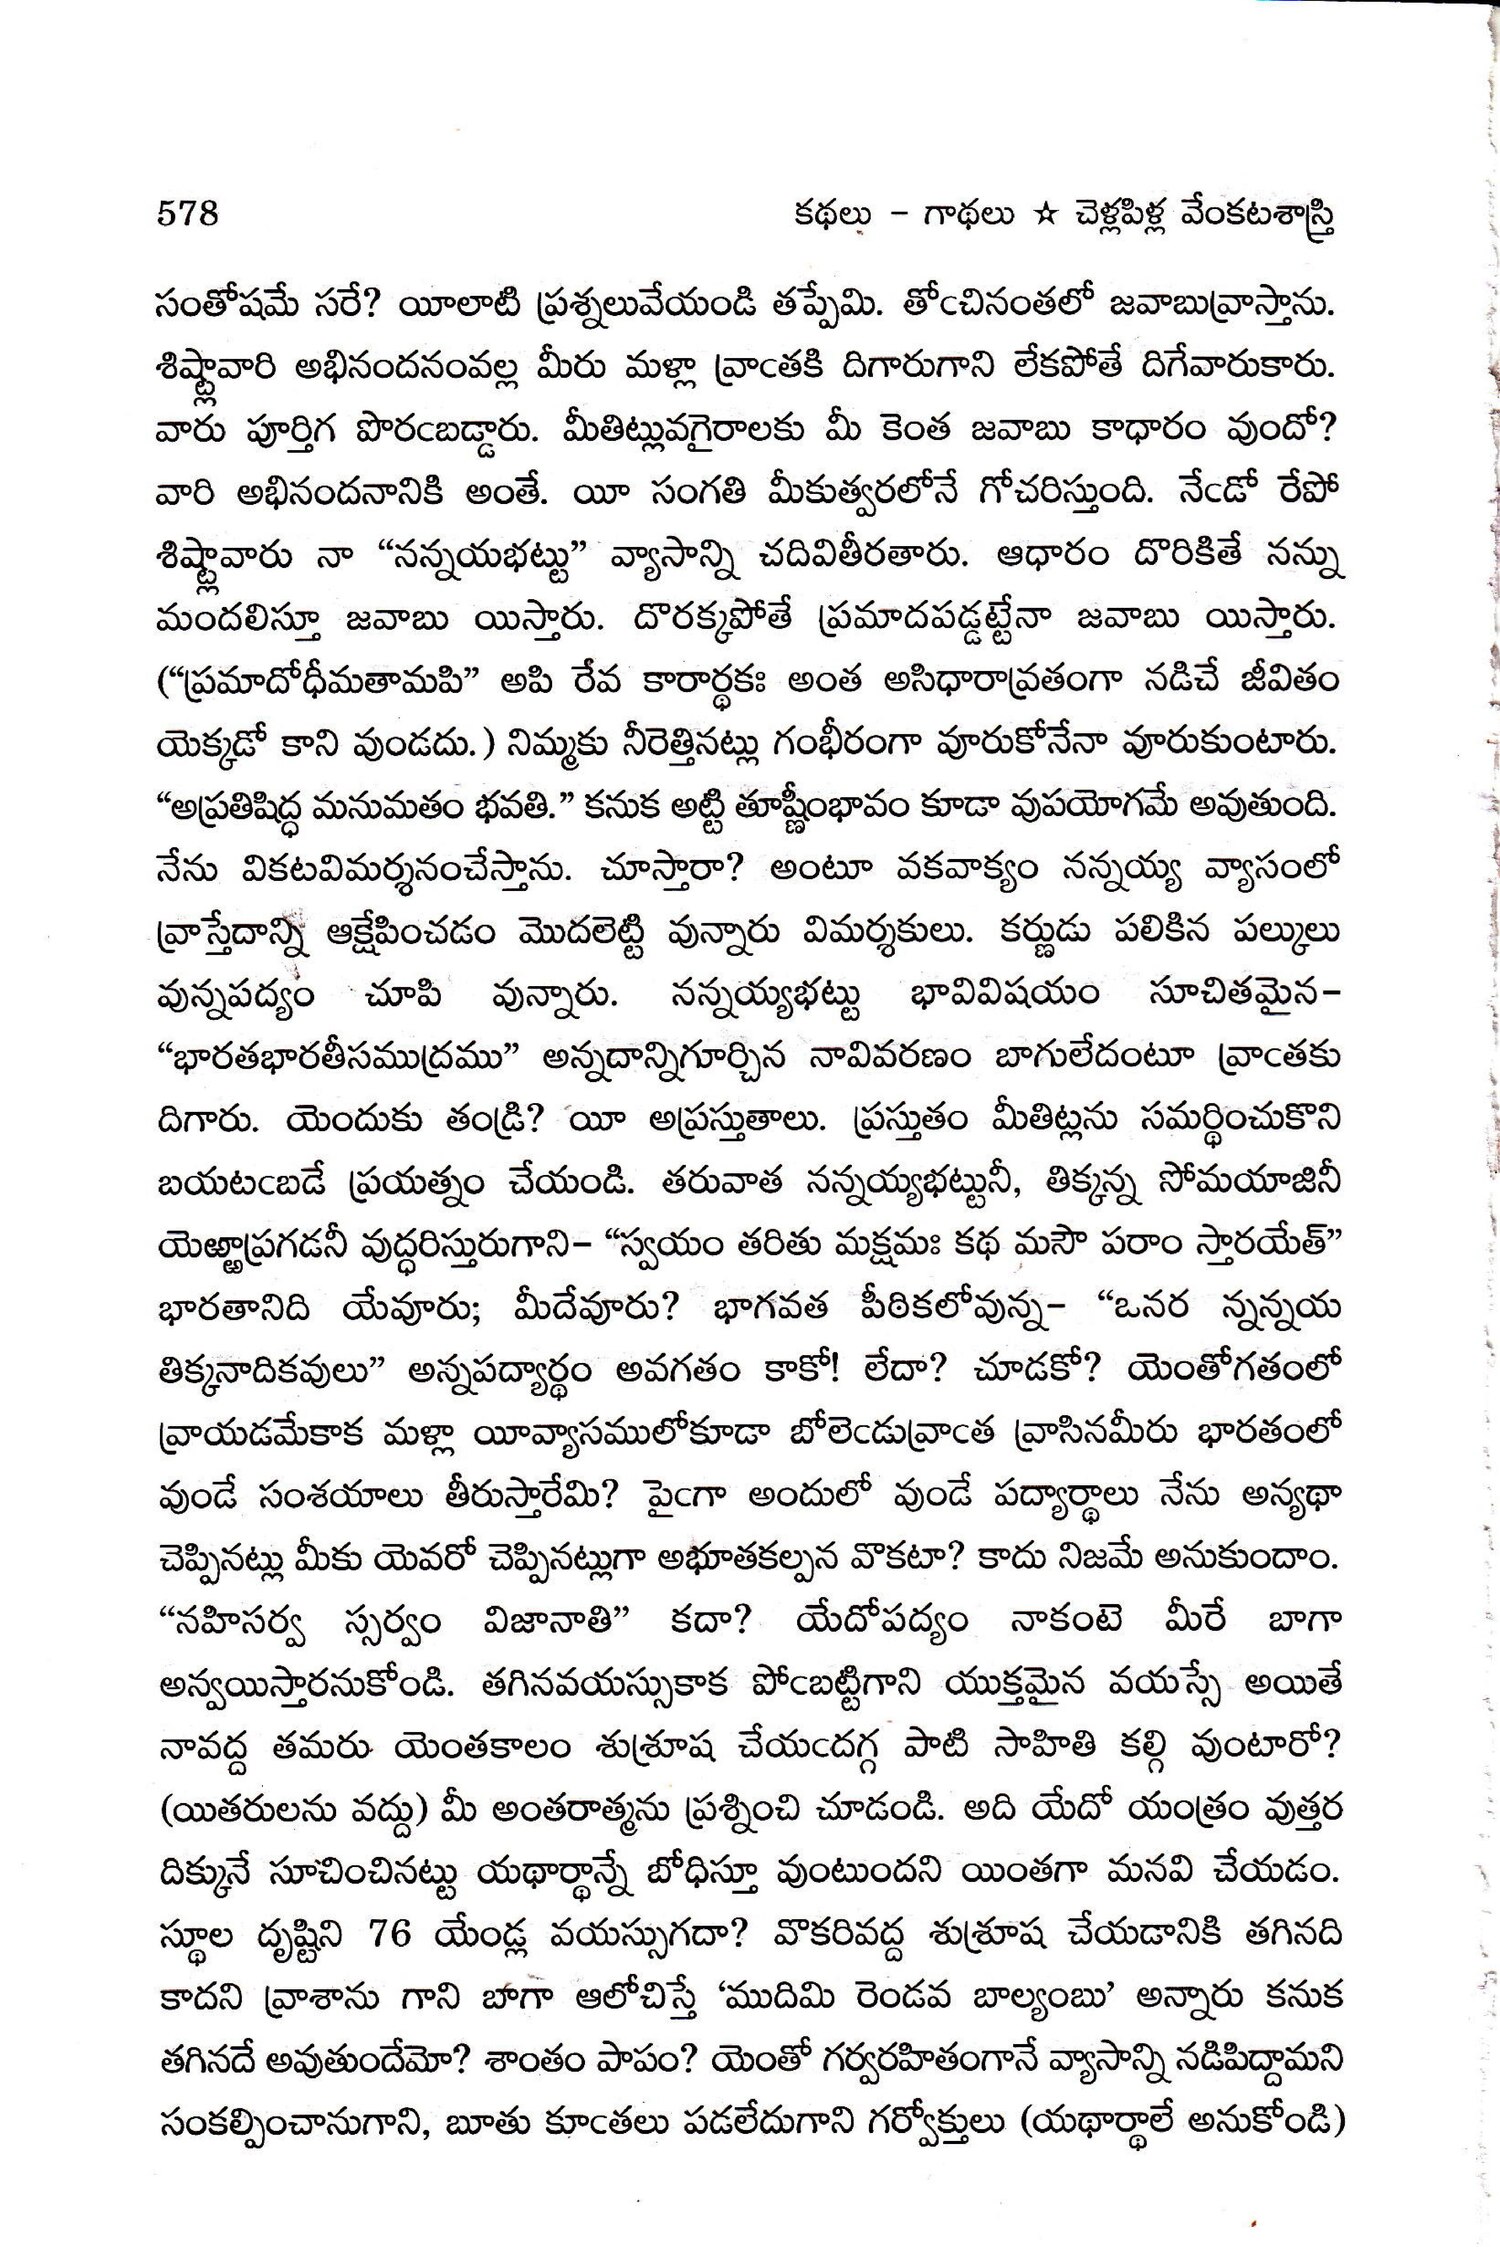సంతోషమే సరే? యీలాటి ప్రశ్నలువేయండి తప్పేమి. తోఁచినంతలో జవాబు వ్రాస్తాను. శిష్ట్లావారి అభినందనంవల్ల మీరు మళ్లా వ్రాఁతకి దిగారుగాని లేకపోతే దిగేవారుకారు. వారు పూర్తిగ పొరఁబడ్డారు. మీతిట్లువగైరాలకు మీ కెంత జవాబు కాధారం వుందో? వారి అభినందనానికి అంతే. యీ సంగతి మీకుత్వరలోనే గోచరిస్తుంది. నేఁడో రేపో శిష్ట్లావారు నా “నన్నయభట్టు" వ్యాసాన్ని చదివితీరతారు. ఆధారం దొరికితే నన్ను మందలిస్తూ జవాబు యిస్తారు. దొరక్కపోతే ప్రమాదపడ్డట్టేనా జవాబు యిస్తారు. (“ప్రమాదోధీమతామపి” అపి రేవ కారార్ధకః అంత అసిధారావ్రతంగా నడిచే జీవితం యెక్కడో కాని వుండదు.) నిమ్మకు నీరెత్తినట్లు గంభీరంగా వూరుకోనేనా వూరుకుంటారు. "అప్రతిషిద్ధ మనుమతం భవతి." కనుక అట్టి తూష్ణీంభావం కూడా వుపయోగమే అవుతుంది. నేను వికటవిమర్శనంచేస్తాను. చూస్తారా? అంటూ వకవాక్యం నన్నయ్య వ్యాసంలో వ్రాస్తేదాన్ని ఆక్షేపించడం మొదలెట్టి వున్నారు విమర్శకులు. కర్ణుడు పలికిన పల్కులు వున్నపద్యం చూపి వున్నారు. నన్నయ్యభట్టు భావివిషయం సూచితమైన“భారతభారతీసముద్రము” అన్నదాన్నిగూర్చిన నావివరణం బాగులేదంటూ వ్రాఁతకు దిగారు. యెందుకు తండ్రి? యీ అప్రస్తుతాలు. ప్రస్తుతం మీతిట్లను సమర్ధించుకొని బయటఁబడే ప్రయత్నం చేయండి. తరువాత నన్నయ్యభట్టునీ, తిక్కన్న సోమయాజినీ యెఱ్ఱాప్రగడనీ వుద్ధరిస్తురుగాని- "స్వయం తరితు మక్షమః కథ మసౌ పరాం స్తారయేత్" భారతానిది యేవూరు; మీదేవూరు? భాగవత పీఠికలోవున్న- “ఒనర న్నన్నయ తిక్కనాదికవులు” అన్నపద్యార్థం అవగతం కాకో లేదా? చూడకో? యెంతోగతంలో వ్రాయడమేకాక మళ్లా యీవ్యాసములోకూడా బోలెఁడువ్రాఁత వ్రాసినమీరు భారతంలో వుండే సంశయాలు తీరుస్తారేమి? పైఁగా అందులో వుండే పద్యార్థాలు నేను అన్యథా చెప్పినట్లు మీకు యెవరో చెప్పినట్లుగా అభూతకల్పన వొకటా? కాదు నిజమే అనుకుందాం. “నహిసర్వ స్సర్వం విజానాతి" కదా? యేదోపద్యం నాకంటె మీరే బాగా అన్వయిస్తారనుకోండి. తగినవయస్సుకాక పోఁబట్టిగాని యుక్తమైన వయస్సే అయితే నావద్ద తమరు యెంతకాలం శుశ్రూష చేయఁదగ్గ పాటి సాహితి కల్గి వుంటారో? (యితరులను వద్దు) మీ అంతరాత్మను ప్రశ్నించి చూడండి. అది యేదో యంత్రం వుత్తర దిక్కునే సూచించినట్టు యథార్థాన్నే బోధిస్తూ వుంటుందని యింతగా మనవి చేయడం. స్థూల దృష్టిని 76 యేండ్ల వయస్సుగదా? వొకరివద్ద శుశ్రూష చేయడానికి తగినది కాదని వ్రాశాను గాని బాగా ఆలోచిస్తే 'ముదిమి రెండవ బాల్యంబు' అన్నారు కనుక తగినదే అవుతుందేమో? శాంతం పాపం? యెంతో గర్వరహితంగానే వ్యాసాన్ని నడిపిద్దామని సంకల్పించానుగాని, బూతు కూఁతలు పడలేదుగాని గర్వోక్తులు (యథార్థాలే అనుకోండి)